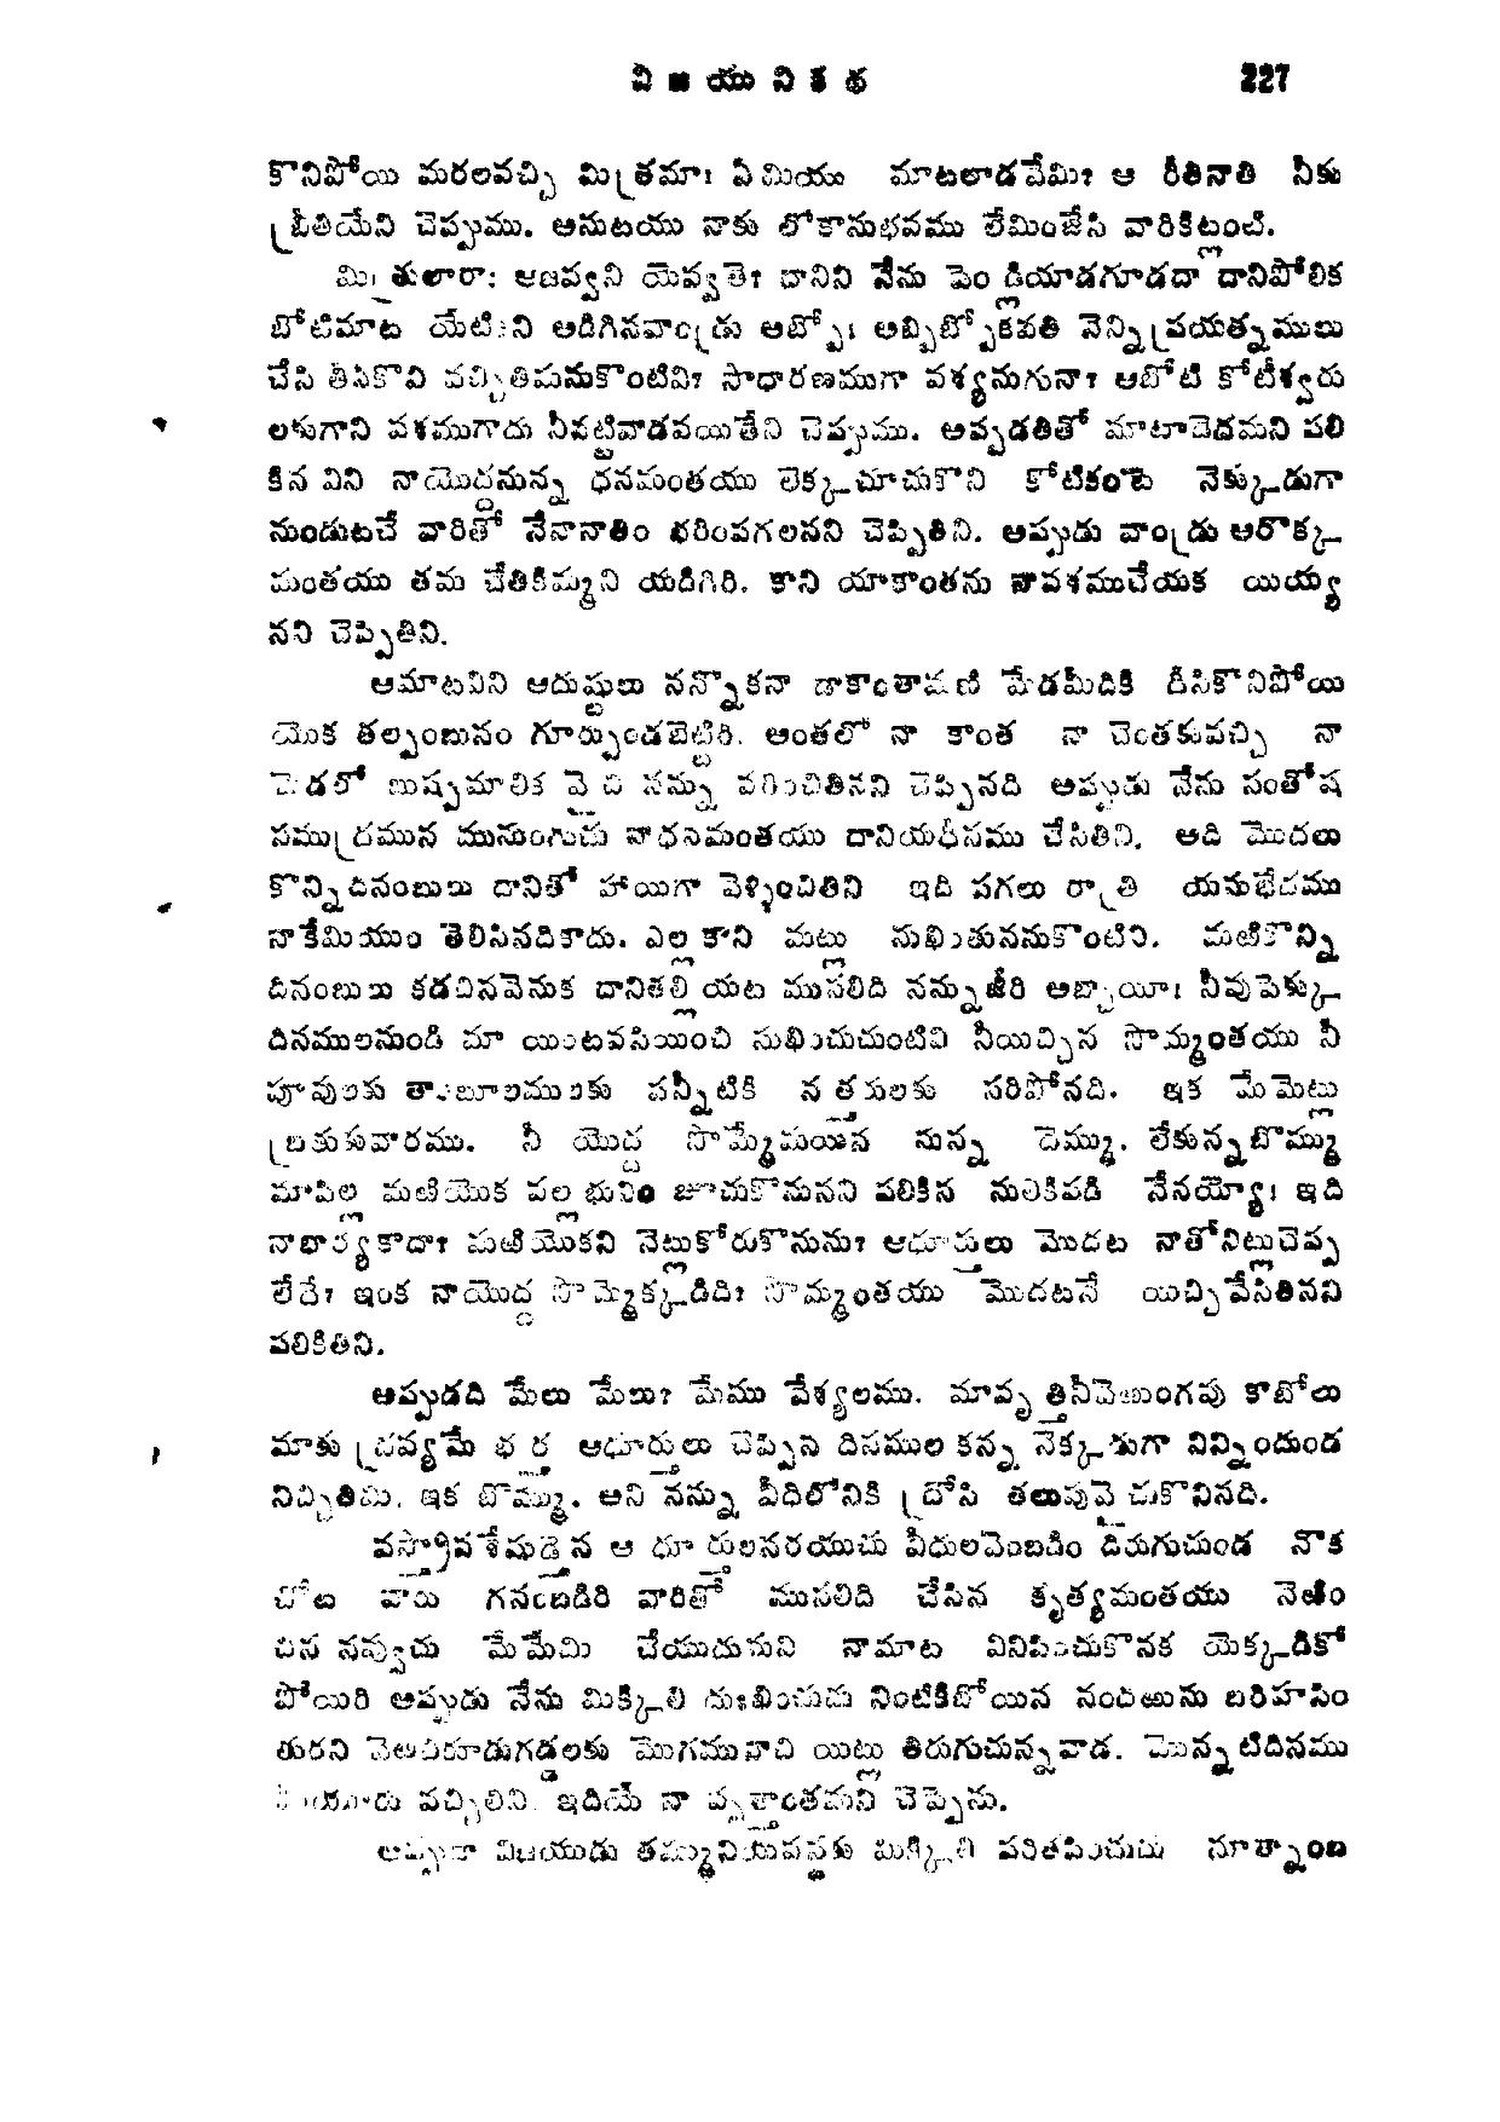కొనిపోయి మరలవచ్చి మిత్రమా! ఏమియు మాటలాడవేమి? ఆ రీతినాతి నీకు బ్రీతియేని చెప్పుము. అనుటయు నాకు లోకానుభవము లేమింజేసి వారికిట్లంటి.

మిత్రులారా : ఆజవ్వని యెవ్వతె? దానిని నేను పెండ్లియాడగూడదా దానిపోలిక బోటిమాట యేటికని అడిగినవాండ్రు అబ్బో! అబ్బిబ్పోకవతి నెన్ని ప్రయత్నములు చేసి తీసికొని వచ్చితిమనుకొంటివి: సాధారణముగా వశ్యమగునా? ఆబోటి కోటీశ్వరులకుగాని వశముగాదు నీవట్టివాడవయితేని చెప్పుము. అప్పడతితో మాటాడెదమని పలికిన విని నాయొద్దనున్న ధనమంతయు లెక్క చూచుకొని కోటికంటె నెక్కుడుగా నుండుటచే వారితో నేనానాతిం భరింపగలనని చెప్పితిని. అప్పుడు వాండ్రు ఆరొక్క
మంతయు తమ చేతికిమ్మని యడిగిరి. కాని యాకాంతను నావశముచేయక యియ్యనని చెప్పితిని.

ఆమాటవిని ఆదుష్టులు నన్నొకనా డాకాంతామణి మేడమీదికి దీసికొనిపోయి యొక తల్పంబునం గూర్చుండబెట్టిరి. అంతలో నా కాంత నా చెంతకువచ్చి నా మెడలో బుష్పమాలిక వైచి నన్ను వరించితినని చెప్పినది అప్పుడు నేను సంతోషసముద్రమున మునుంగుచు నాధనమంతయు దానియధీనము చేసితిని. అది మొదలు కొన్ని దినంబులు దానితో హాయిగా వెళ్ళించితిని ఇది పగలు రాత్రి యనుభేదము నాకేమియుం తెలిసినదికాదు. ఎల్లకాల మట్లు సుఖింతుననుకొంటిని. మఱికొన్నిదినంబులు కడచినవెనుక దానితల్లి యట ముసలిది నన్ను జీరి అబ్బాయీ! నీవుపెక్కుదినములనుండి మా యింటవసియించి సుఖించుచుంటివి నీయిచ్చిన సొమ్మంతయు నీ పూవులకు తాంబూలములకు పన్నీటికి నత్తరులకు సరిపోయినది. ఇక మేమెట్లు బ్రతుకువారము. నీ యొద్ద సొమ్మేమయిన నున్న దెమ్ము. లేకున్న బొమ్ము మాపిల్ల మఱియొక వల్లభునిం జూచుకొనునని పలికిన నులికిపడి నేనయ్యో? ఇది నాభార్య కాదా? మఱియొకని నెట్లుకోరుకొనును? ఆధూర్తులు మొదట నాతోనిట్లుచెప్పలేదే? ఇంక నాయొద్ద సొమ్మెక్కడిది? సొమ్మంతయు మొదటనే యిచ్చివేసితినని పలికితిని.

అప్పుడది మేలు మేలు? మేము వేశ్యలము. మావృత్తి నీ వెఱుంగవు కాబోలు మాకు ద్రవ్యమే భర్త ఆధూర్తులు చెప్పిన దినముల కన్న నెక్కడుగా నిన్నిందుండ నిచ్చితివిు. ఇక బొమ్ము . అని నన్ను వీథిలోనికి ద్రోసి తలుపువైచుకొనినది.

వస్త్రావశేషుడైన ఆ ధూర్తులనరయుచు వీథులవెంబడిం దిరుగుచుండ నొకచోట వారు గనంబడిరి వారితో ముసలిది చేసిన కృత్యమంతయు నెఱంగించిన నవ్వుచు మేమేమి చేయుదుమని నామాట వినిపించుకొనక యెక్కడికో పోయిరి అప్పుడు నేను మిక్కిలి దుఃఖించుచు నింటికిబోయిన నందఱును బరిహసింతురని వెఱచికూడుగుడ్డలకు మొగమువాచి యిట్లు తిరుగుచున్నవాడ. మొన్నటిదినము మీయూరు వచ్చితిని. ఇదియే నా వృత్తాంతమని చెప్పెను.

అప్పుడా విజయుడు తమ్మునియవస్థకు మిక్కిలి పరితపించుచు నూత్నాంబ